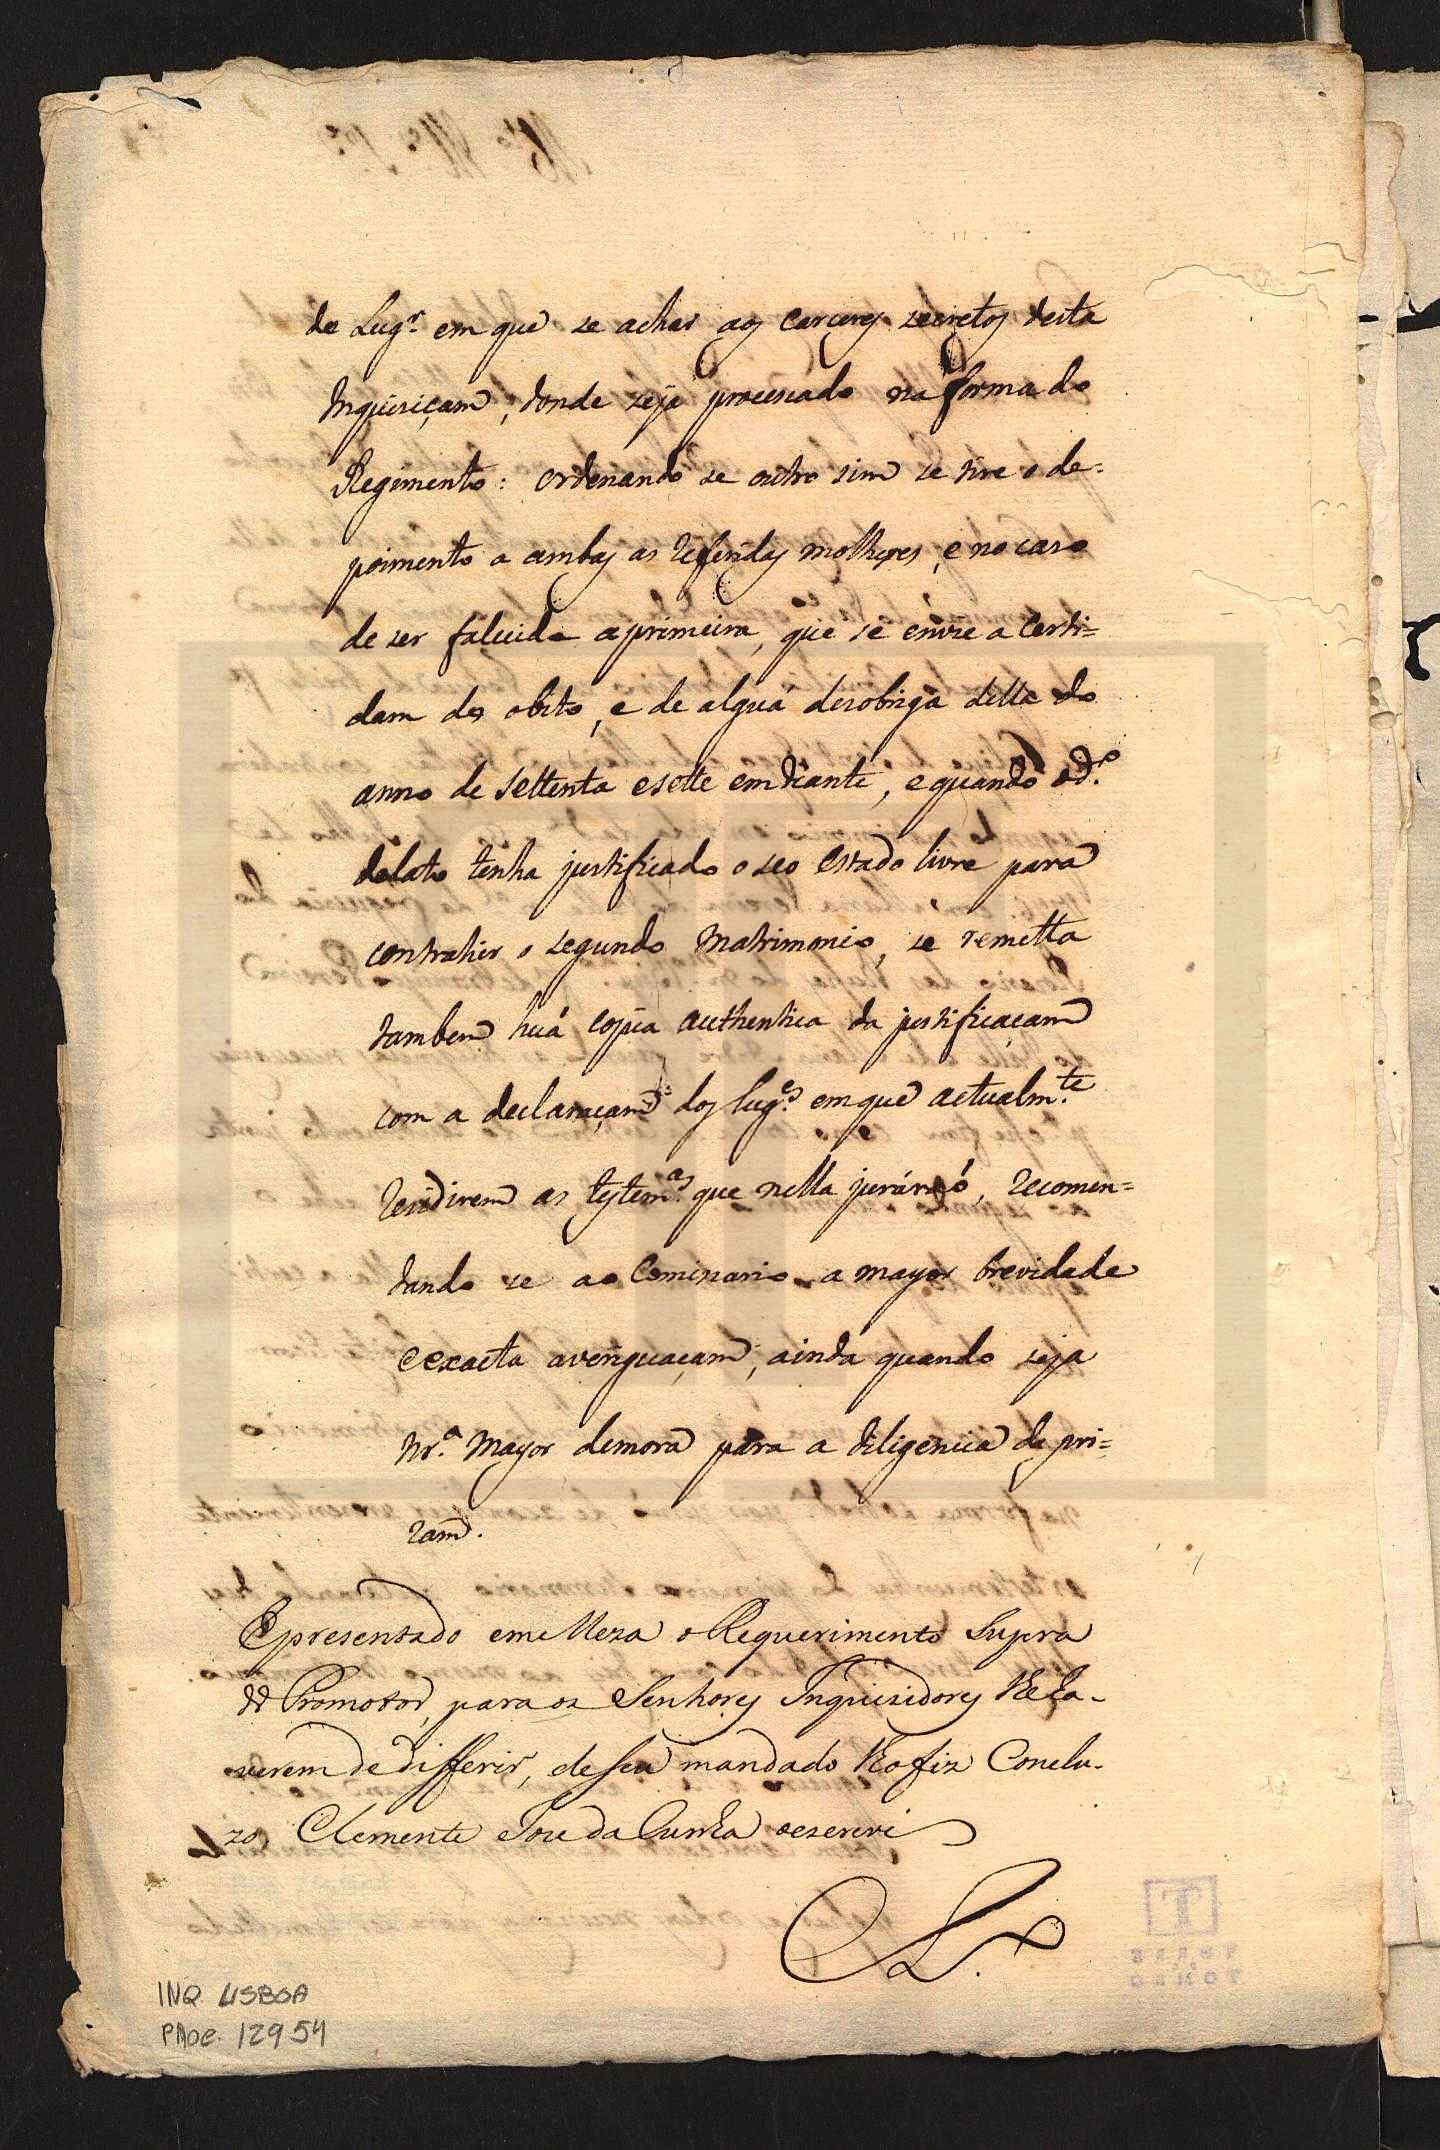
do Lug.r em que se achar aos carceres secretos desta
Inquiziçam, donde seja processado na forma do
Regimento: Ordenando se outrosim se tire o de
poimento a ambas as Referidas molheres, e no cazo
de ser falecida a primeira, que se envie a certi
dam do obito, e de alguā dezobriga della do
anno de settenta e sette em diante, e quando o d.o
delato tenha justificado o seo estado livre para
contrahir o segundo Matrimonio, se remetta
tambem huā copia auttentica da justificaçam.
com a declaraçam dos lug.es em que actualm.te
Residirem as testem.as que nella juráraõ, Recomen
dando se ao Comissario a mayor brevidade.
e exacta averiguaçam, ainda quando seja
nr.a mayor demora para a diligencia da pri
zam
E presentado em Meza o Requerimento Supra
do Promotor, para os Senhores Inquizidores lhe ha
verem de differir, de seu mandado lhe fiz Conclu
zo Clemente Ioze da Cunha o escrevi
CL.o
